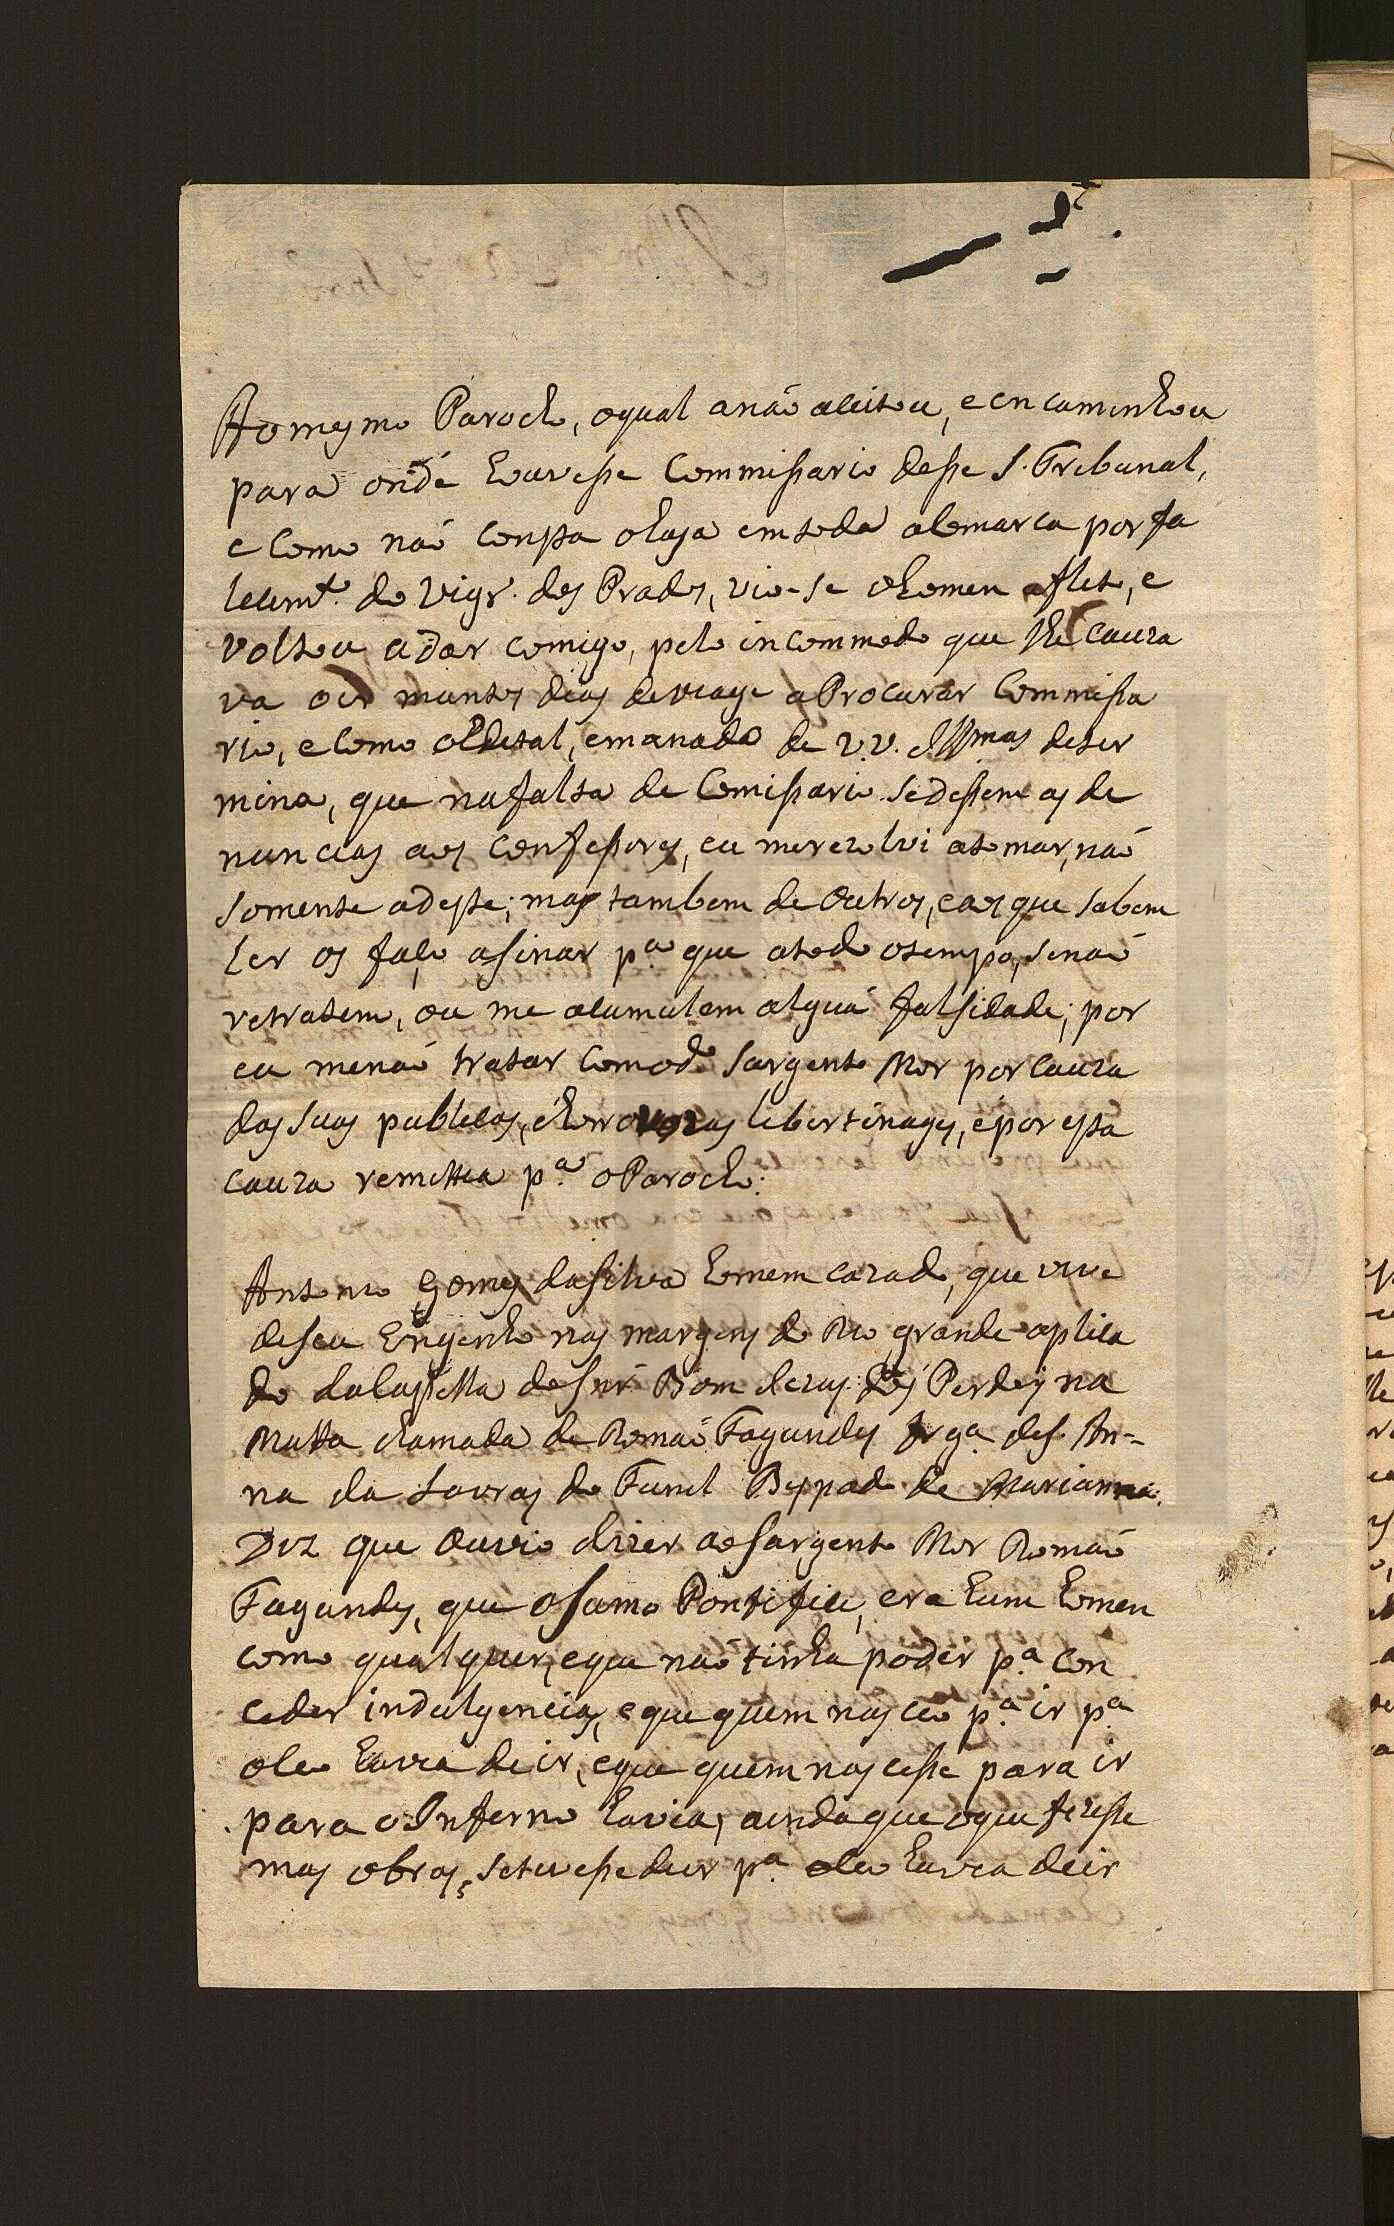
Ao mesmo Parocho, o qual a naõ aceitou, e encaminhou
para onde houvesse Commissario desse S. Tribunal,
e como naõ consta o haja em toda a Comarca por fa
lecim.to do Vig.r dos Prados, vio-se o homen aflito, e
voltou a dar comigo, pelo incommodo que lhe cauza
va os muntos dias de viagi a Procurar Commissa
rio, e como o Edital, emanado de V.V. Ill.mas deter
mina, que na falta de Comissario se dessem as de
nuncias aos confessores, eu me rezolvi a tomar, naõ
somente a deste; mas tambem de Outros,e aos que sabem
Ler os faço asinar p.a que a todo o tempo, se naõ
retratem, ou me acumulem alguā falsidade; por
eu me naõ tratar com o d.o Sargento Mor por cauza
das suas publicas, e horrorozas Libertinages, e por esta
cauza remette a p.ra o Parocho:
Antonio Gomes da Silva homem cazado, que vive
de seu Engenho nas margens do Rio grande aplica
do da Capella de snr̄ Bom Iezus dos Perdois na
Matta chamada de Romaõ Fagundes frg.a de S. An
na da Lavras do Funil Bispado de Marianna:
Diz que ouvio dizer ao sargento Mor Romaõ
Fagundes, que o sumo Pontifice, era hum homen
como qualquer, e que naõ tinha poder p.a con
ceder indulgencias, e que quem nasceo p.a ir p.a
o Ceo havia de ir, e que quem nascesse para ir
para o Inferno havia, ainda que o que fezesse
mas obras, se tevesse de ir p.a o Ceo havia de ir
